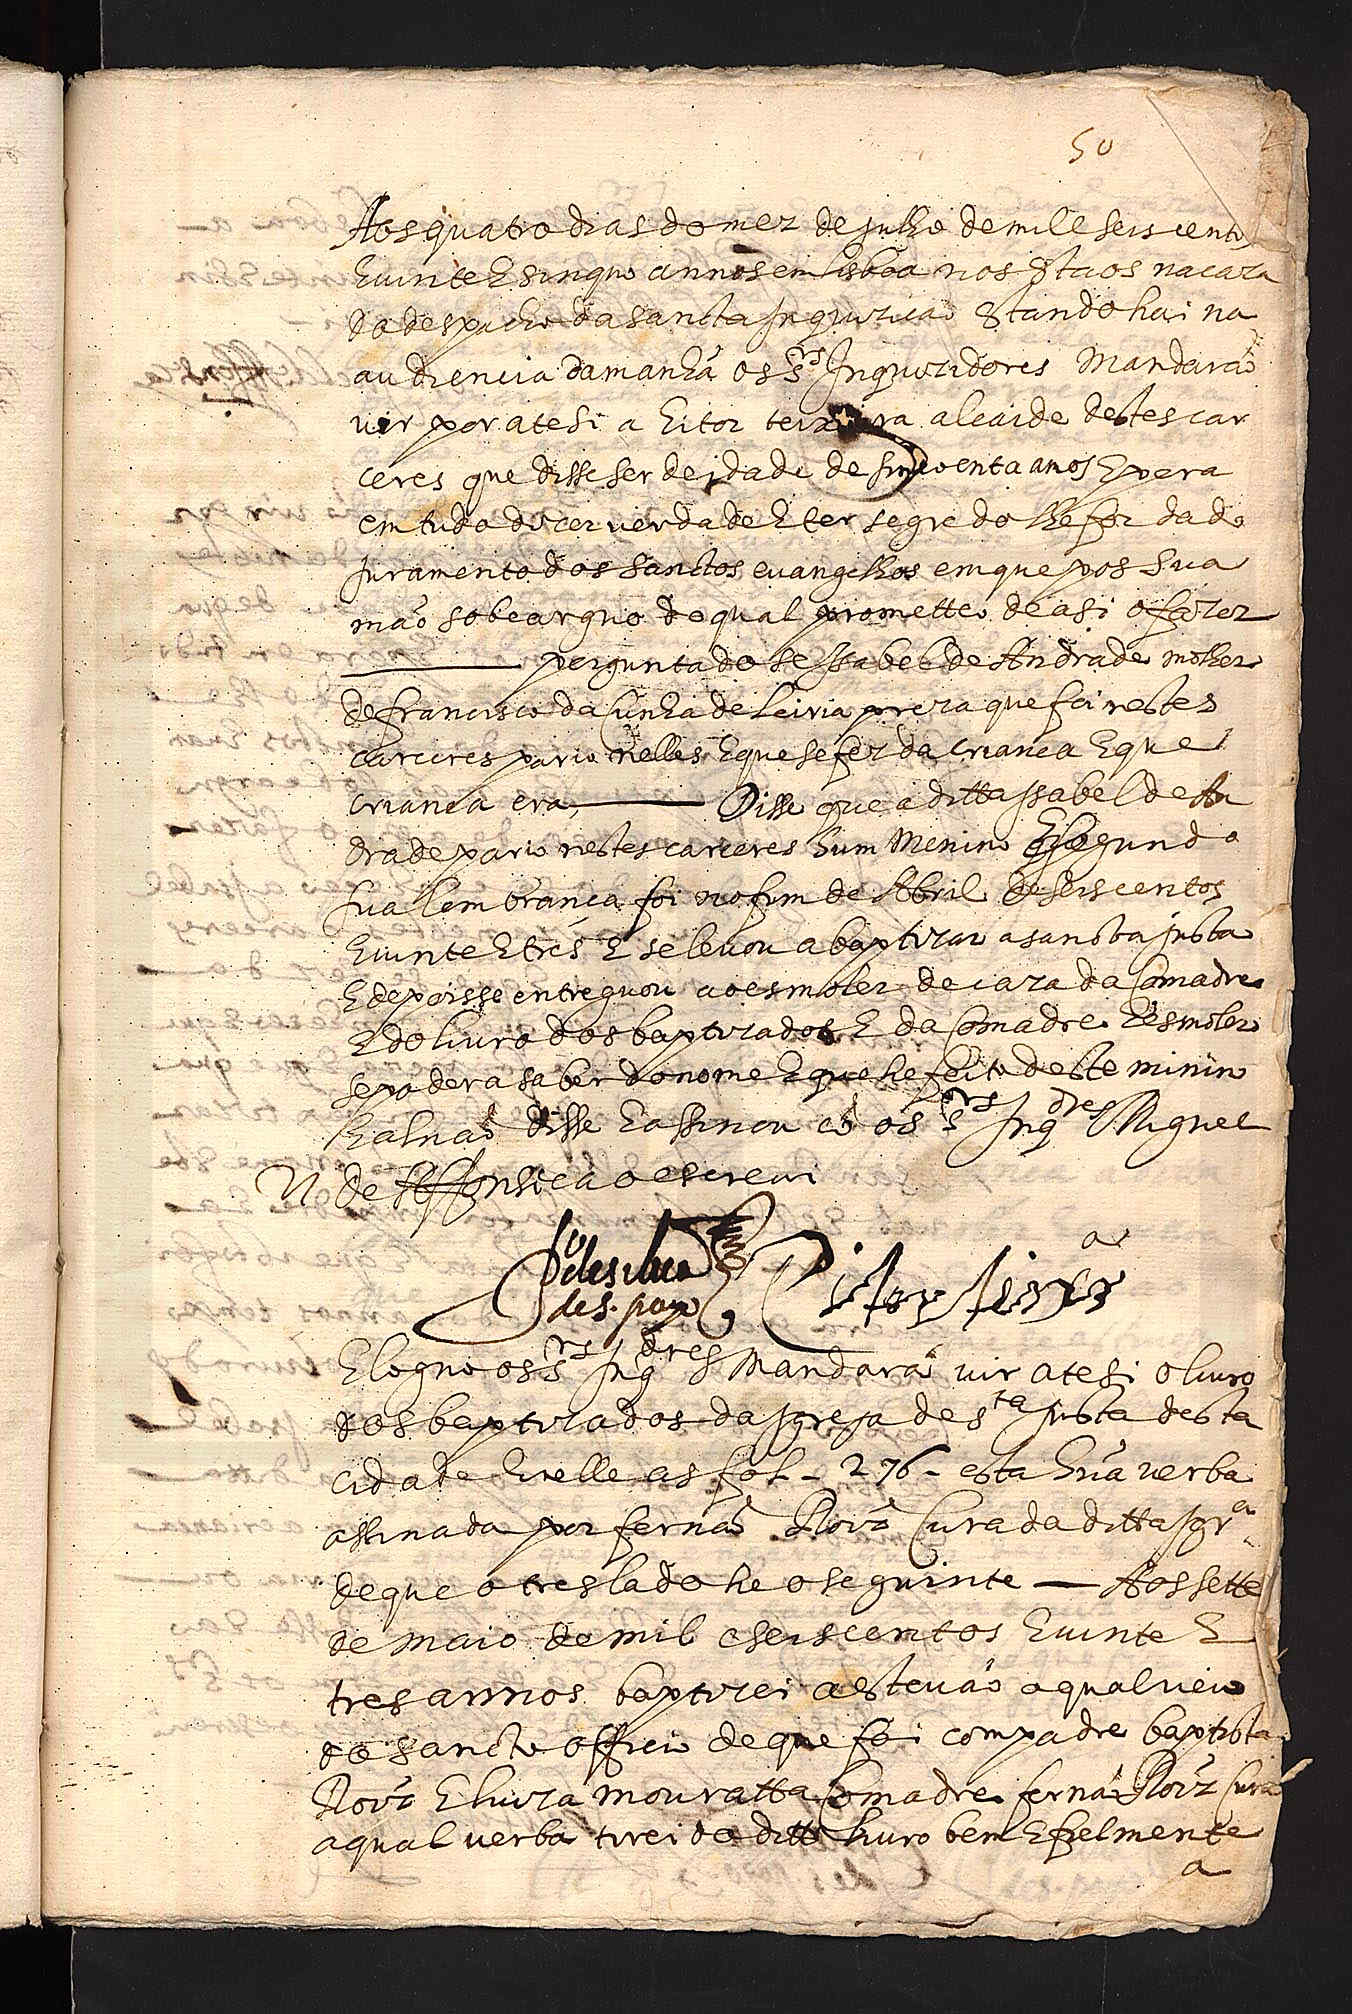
Aos quatro dias do mez de julho de mil e seiscento_
E uinte E sinquo annos em lisboa nos staos na caza
do despacho da sancta Jnquizicao stando hai na
audiencia da manhā os sres Jnquizidores mandaraõ
uir perate si a Eitor teix
ra alcaide destes car
ceres que disse ser de idade de sincoenta annos E pera
em tudo dizer uerdade E ter segredo lhe foi dado
Juramento dos sanctos euangelhos em que por sua
maõ sob carguo do qual prometteo de asi o fazer
perguntado se Jsabel de Andrade molher
de francisco da Cunha de Leiria preza que foi nestes
carceres pario nelles E que se fez da crianca E que
crianca era
Disse que a ditta Jsabel de An
drade pario nestes carceres hum Menino E segundo
sua lembrança foi no fim de Abril de seiscentos
E uinte E tres E se leuou a baptizar a sancta justa
E depois se entreguou ao esmoler de caza da Comadre
E do liuro dos baptizados E da Comadre E esmoler
se podera saber do nome E que he feito deste minino
E al naõ disse E assinou cō os sres Jnqdres Miguel
de Affonseca o escreui
E loguo os sres Jnqdres Mandaraõ uir ate si o liuro
dos baptizados da Jgreja de sta Justa desta
cidade E nelle as fol - 276 - esta huā uerba
assinada por fernaõ Roiz̄ Cura da ditta Jgra
de que o treslado he o seguinte –– Aos sette
de maio de mil e seiscentos E uinte E
tres annos baptizei a esteuaõ o qual ueio
do sancto officio de que foi compadre baptista
Roiz̄ E luiza mouratta Comadre fernaõ Roiz̄ Cura
a qual uerba tirei do ditto liuro bem E fielmente
a
